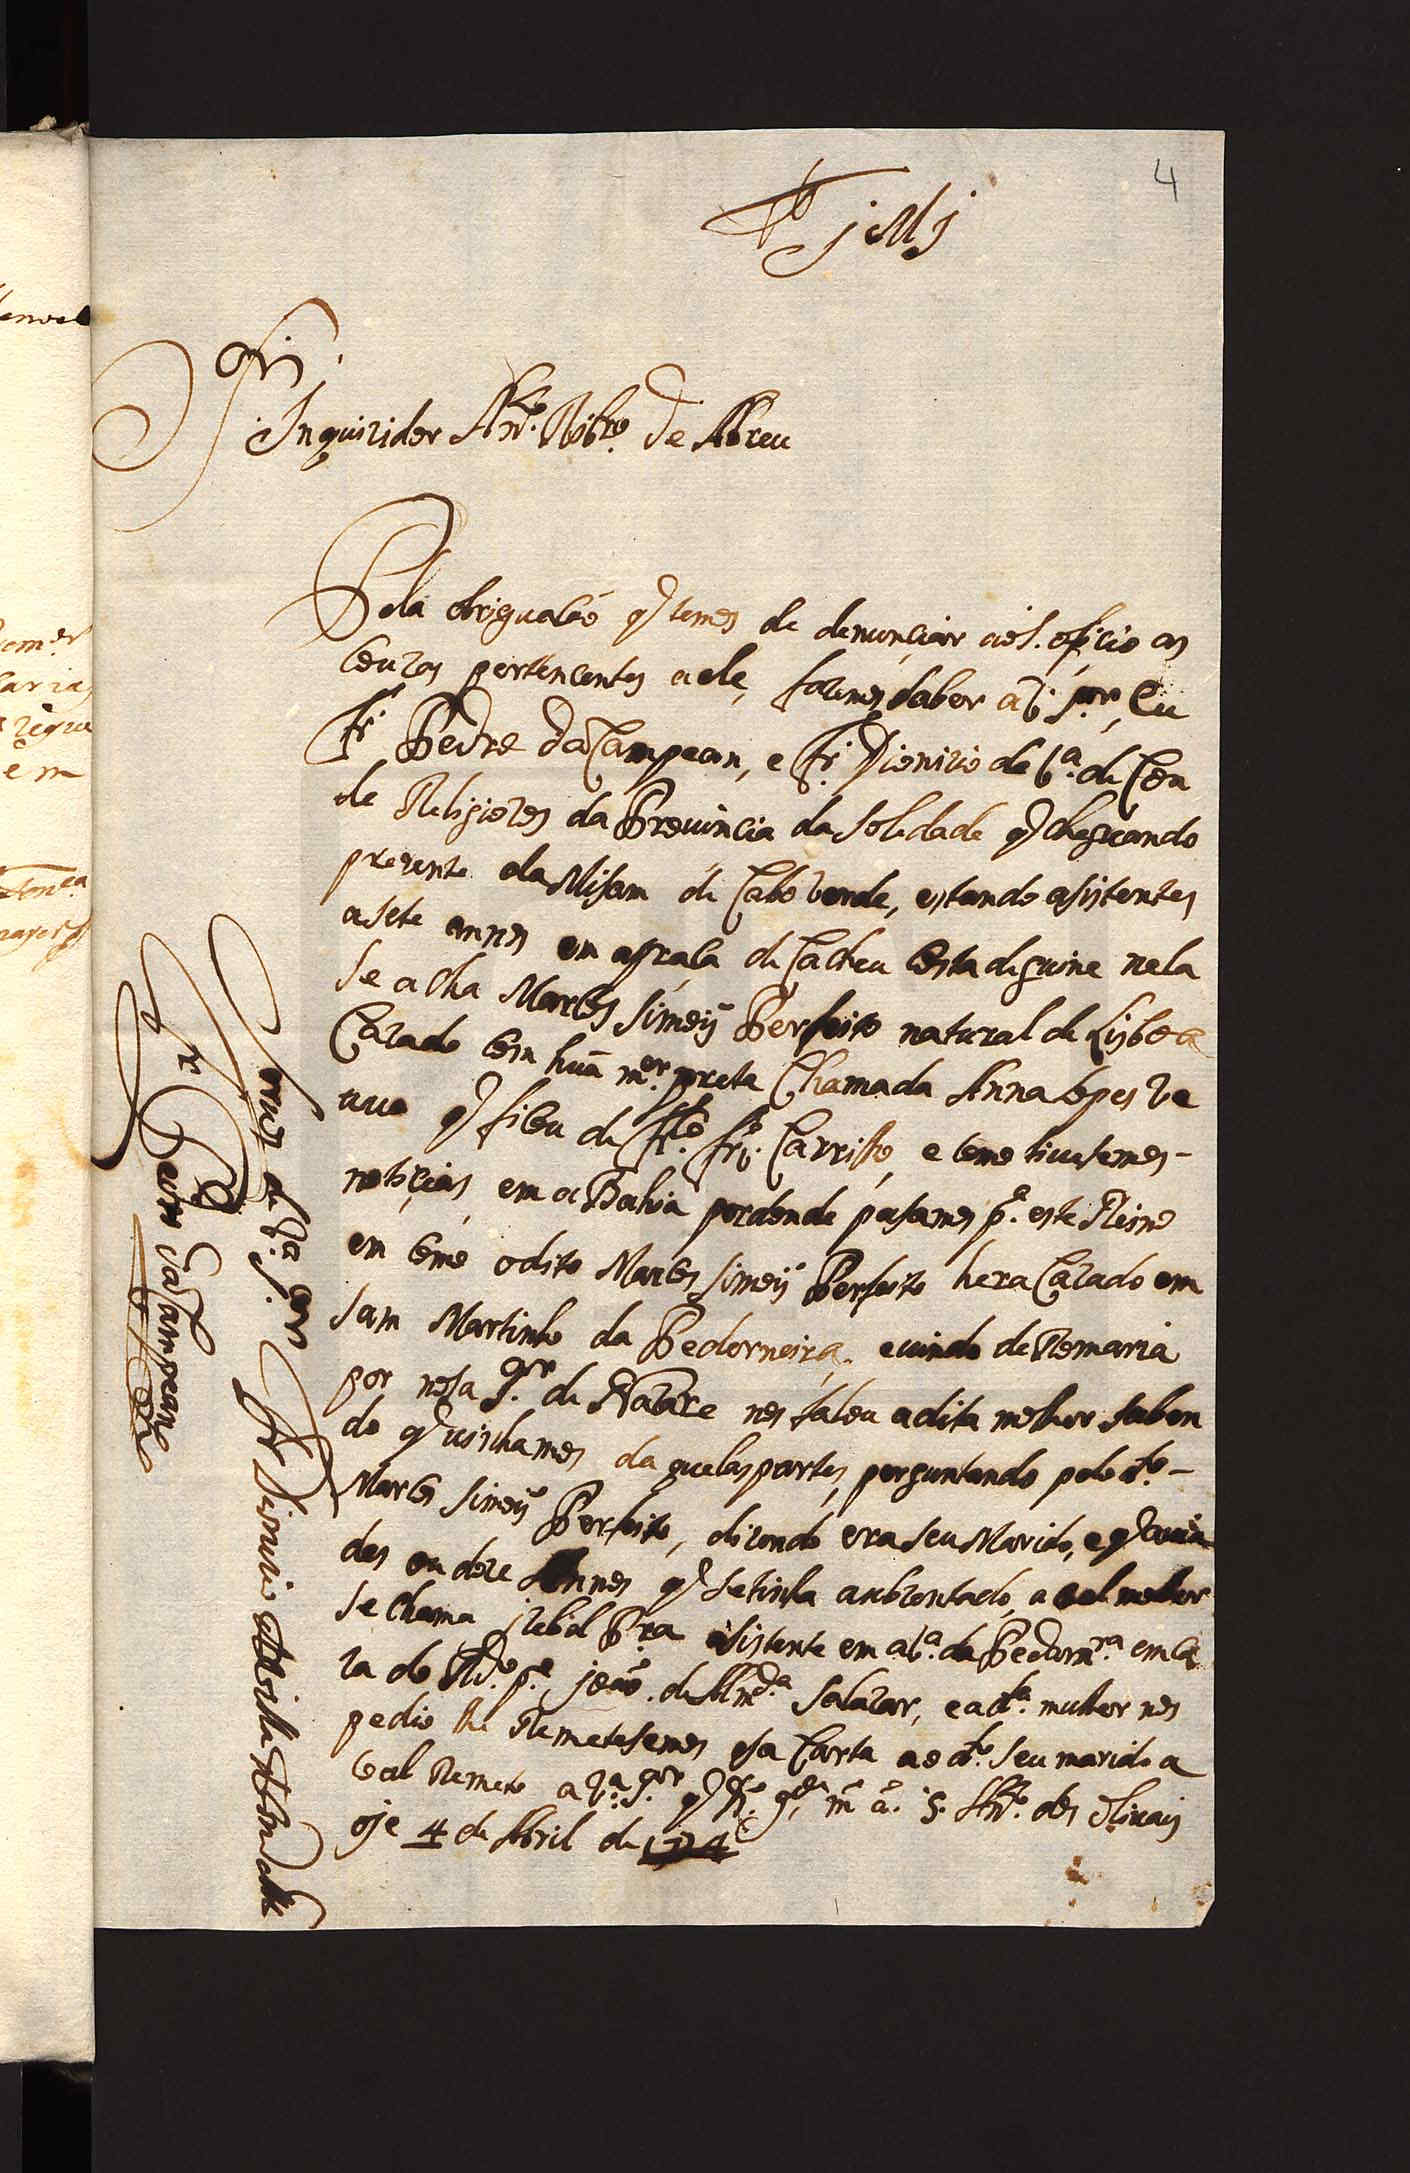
jMj
Sor Inquizidor An.to Ribr.o de Abreu
Pela obriguaÇaõ q̄ temos de denunciar ao S. officio as
Couzas pertencentes a ele, fazemos saber a V. s.as, Eu
Fr. Pedro da Campean, e fr Dionizio de V.a de Con
de Religiozos da Prouincia da Soledade q̄ cheguando
prezente da Misam de Cabo verde, estando asistentes
a sete annos em a praÇa de Cacheu Costa de guine nela
se acha MarCos Simois̄ Perfeito natural de Lisboa
Cazado com huā me.r preta Chamada Anna Lopes Ve
uua q̄ ficou de Fr.co frz. Carrilho, e como tiuesemos
notiçias em a Bahia por donde pasamos p.a este Reino
em Como o dito MarCos Simois̄ Perfeito hera Cazado em
Sam Martinho da Pederneira, e uindo de Romaria
por nosa s.ra de NaZare nos falou a dita molher saben
do q̄ uinhamos daquelas partes, perguntando pelo d̄.o
MarCos simoes̄ Perfeito, dizendo era seu Marido, e q̄ auia
des ou doze Annos q̄ se tinha aubzentado, a tal molher
se chama JZabel P.ra aSistente em a V.a da Pedern.ra em ca
za do Rdo p.e, joaõ de Alm.da Salazar, e a d̄.a mulher nos
pedio lhe Remetesemos esa Carta ao d̄.o seu marido a
Coal Remeto a V.a S.as q̄ D.s g.de m̄ ā. S. An.to dos Oliuais
oje 4 de Abril de 1724
